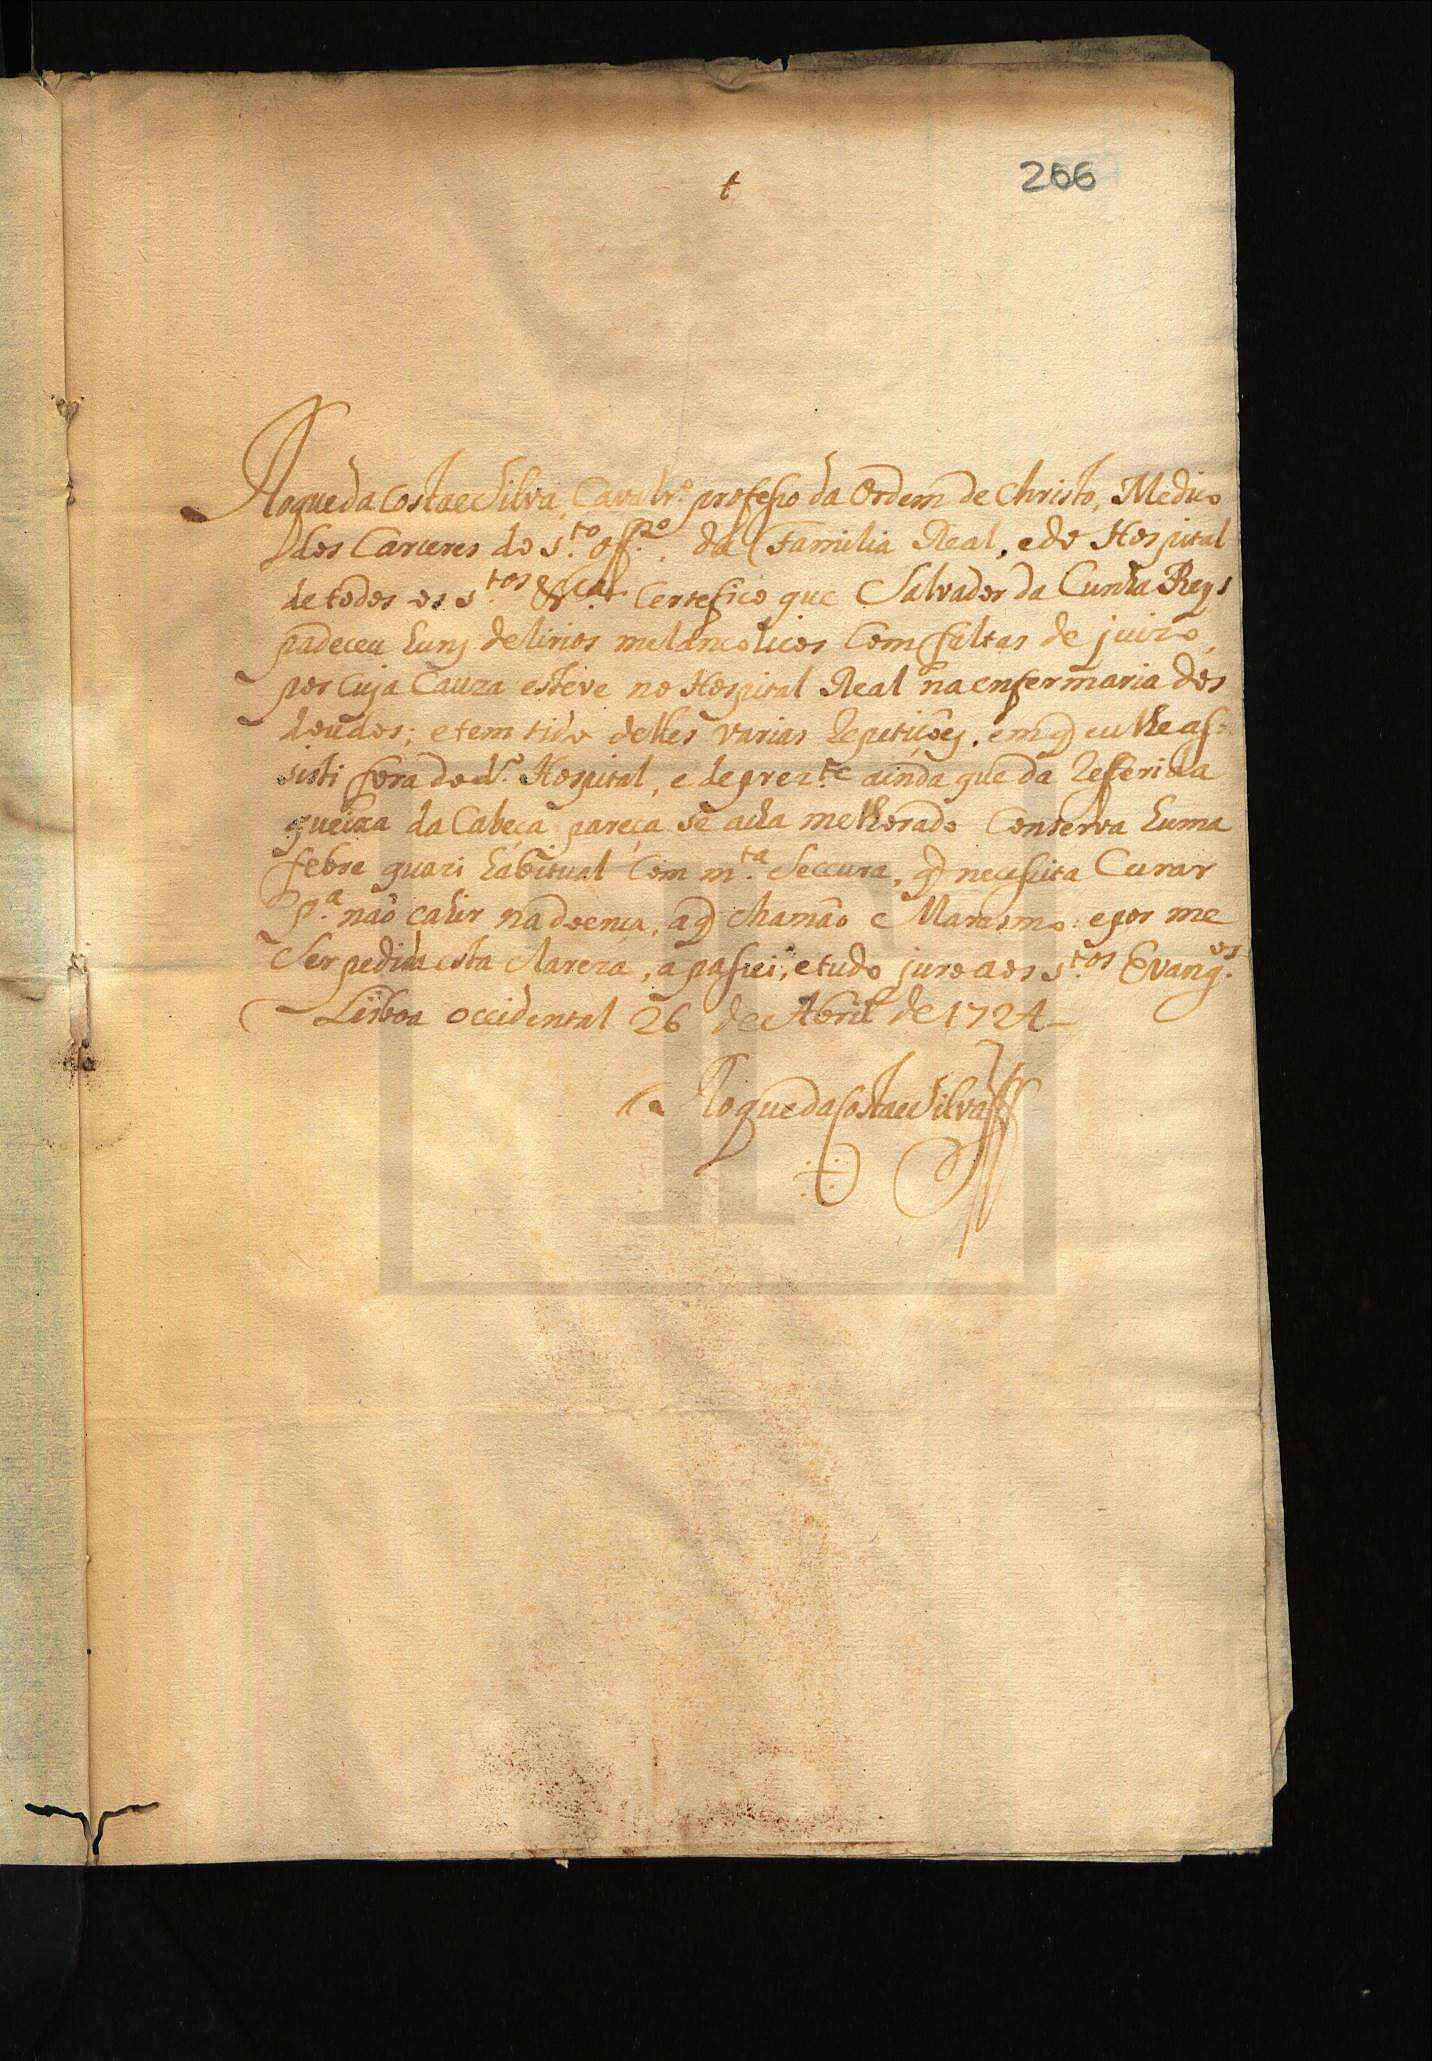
Roque da costa e Silva, Cavalr.o professo da Ordem de christo, Medico
dos Carceres do s.to off.o da Familia Real, e do Hospital
de todos os s.tos &.a Certefico que Salvador da Cunha Reys
padeceu huns delirios melancolicos Com faltas de juizo,
por cuja cauza esteve no Hospital Real na enfermaria dos
doudos; e tem tido delles varias Repetições, em q̄ eu lhe as
sisti fora do d.o Hospital, e de prez.te ainda que da Referida
queixa da Cabeça, pareça se acha melhorado Conserva huma
febre quazi habitual com m.ta seccura, q̄ necessita Curar
p.a naõ cahir na doença, a q̄ chamão Marasmo, e por me
ser pedida esta clareza, e passei, e tudo juro aos s.tos Evang.os
Lisboa occidental 26 de Abril de 1724
Roque da Costa e Silva
